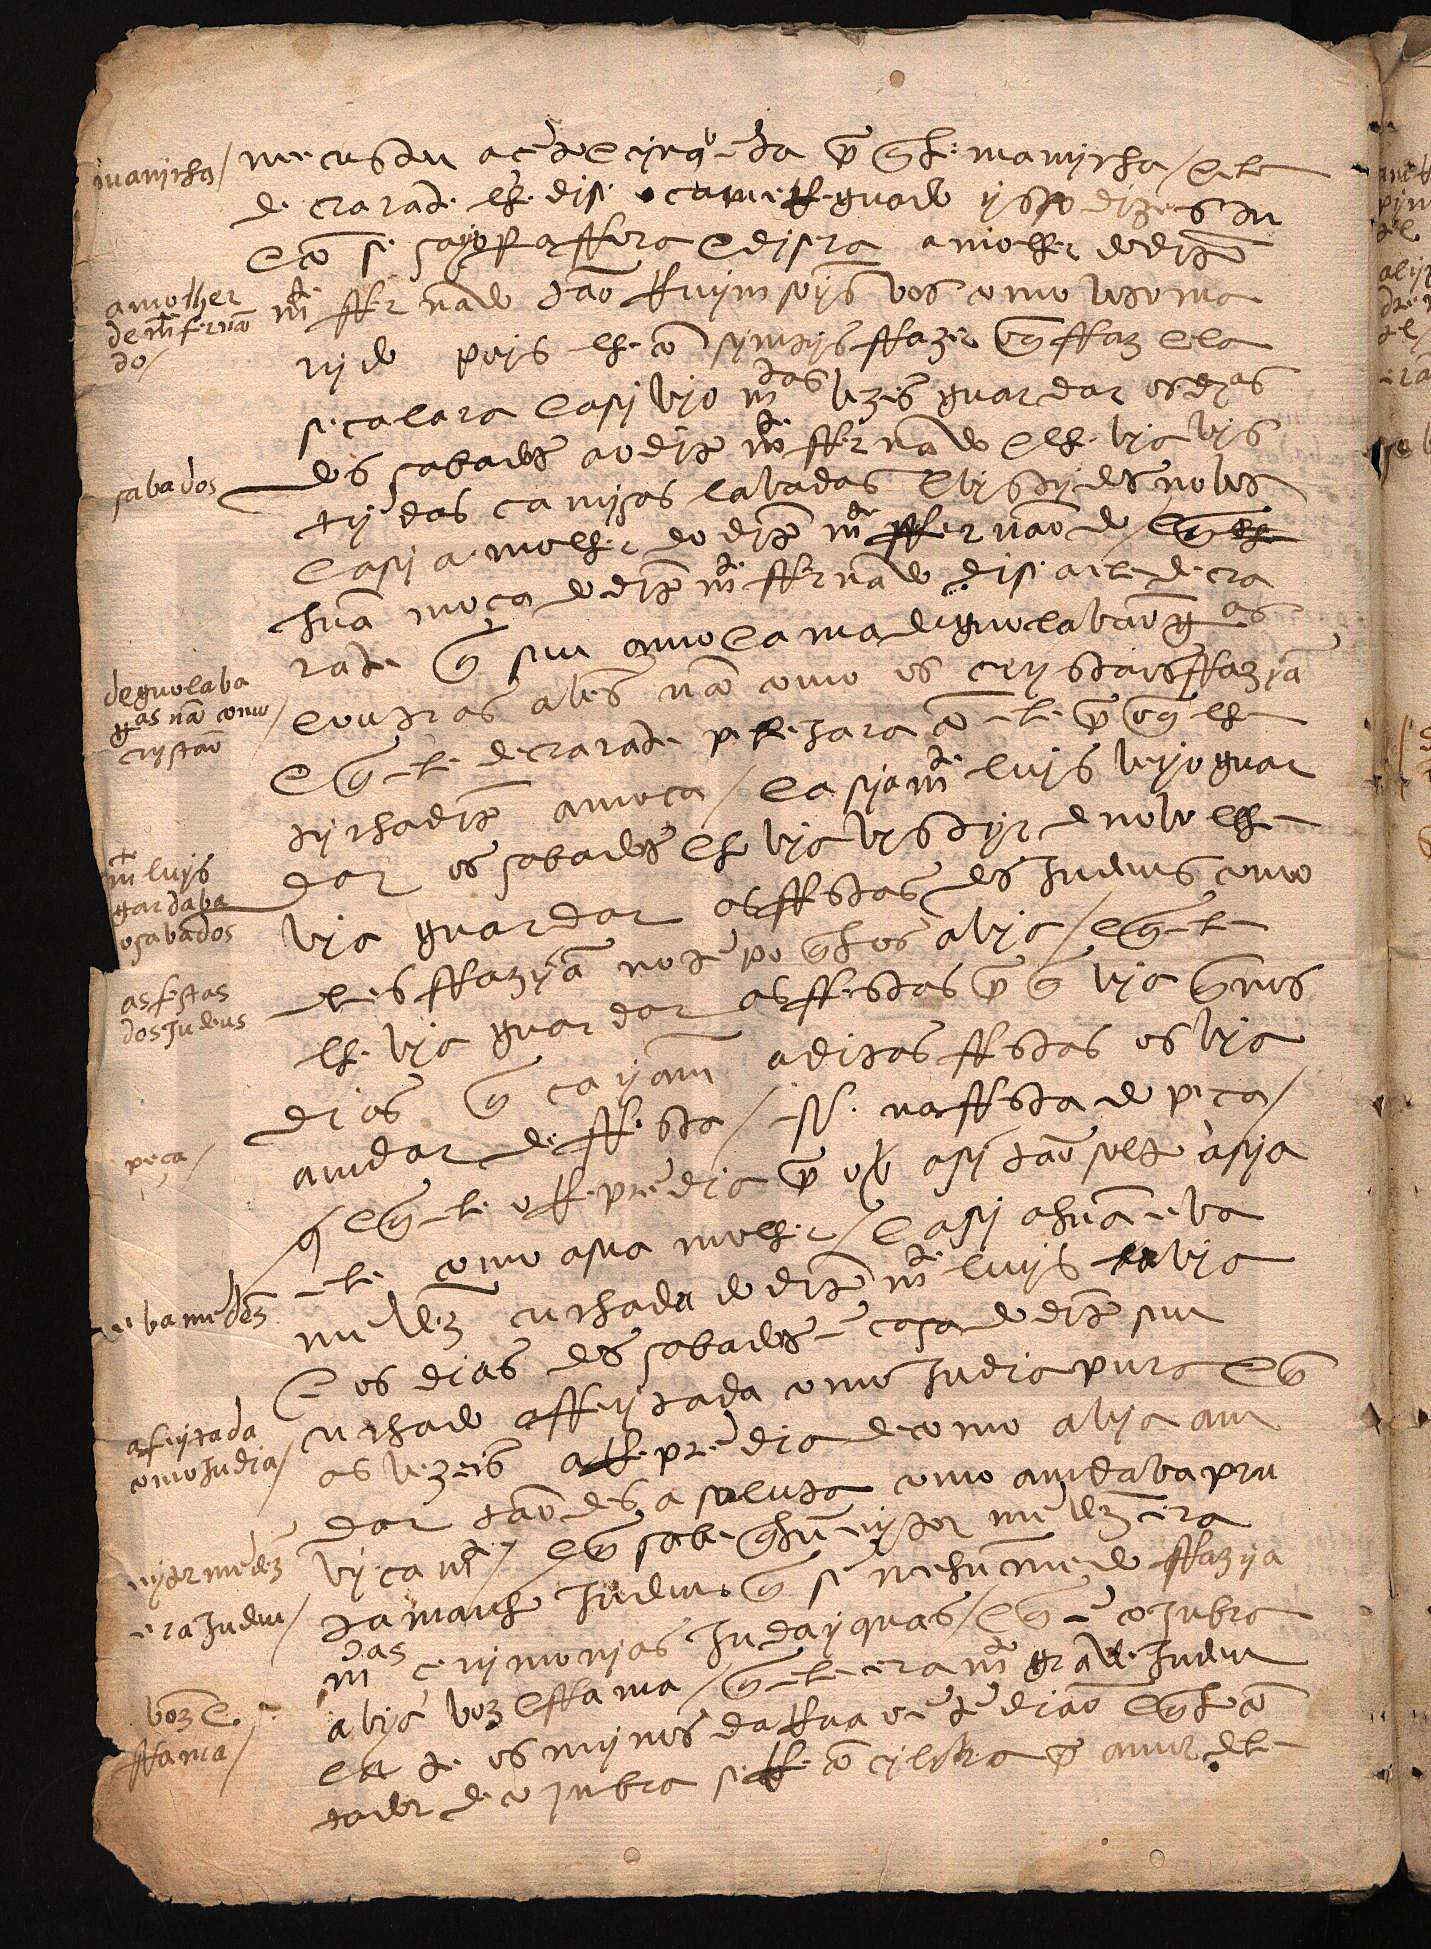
me custou a cēto e cynqoeta p̄oq̄ he manynha / e ele
decrarāte lhe dise o carne Reguado ysso djzes tu
e c̄o se sayo ꝑa ffora e djsera a molher do dito
mte ffernādo tão Ruym soys vos como voso ma
rydo poys lhe c̄osymtys ffazer o q̄ ffaz e ela
se calara e asy vyo mtas vezes guardar os djas
dos sabados ao dito mte ffernādo e lhe vya vjs
tydas camjsas lavadas e vystydos novos
e asy a molher do dito mte ffernãodo / e q̄ lhe
huā moça do dito mte ffernādo dise a ele decra
rate q̄ seu amo e ama deguolavão gas
e outras aves não como os crystaos fazyā
e que ele decrarate peleJara cō ele p̄o o q̄ lhe
tynha dito a moça / a asy a mte lujs veyo guar
dar os sabados e ho vya vystyr de novo e lhe
vya guardar as ffestas dos Judeus como
eles ffazyā no tēpo q̄ hos avya / e q̄ ele
lhe vya guardar as ffestas p̄oq̄ vya q̄ nos
dias q̄ cayam a ditas ffestas os vya
amdar de ffesta / -ss. na ffesta do peça /
q e q̄ ele o Repreēdia p̄o o ꝟ asy tão solto asy a
ele como a sua molher / e asy a huā eva
medēz cunhada do dito mte luys _a vya
ē os dias dos sabados ē casa do dito seu
cunhado affeytada como Judia pura e q̄
as vezees a Repreēdia de como a vya am
dar tão desasoluta como amdava pru
vycamte / e q̄ sabe q̄ hū eytor mēdez era
tamanho Judeu q̄ sē nehū medo ffazya
mtas çerymonjas Judayquas / e q̄ ē coJnbra
avya voz e ffama / q̄ ele era mto grāde Judeu
e ate os mynos da Rua o ētēdião e q̄ ho cō
tador de cojnbra se Recōcylyara p̄o amor dele
